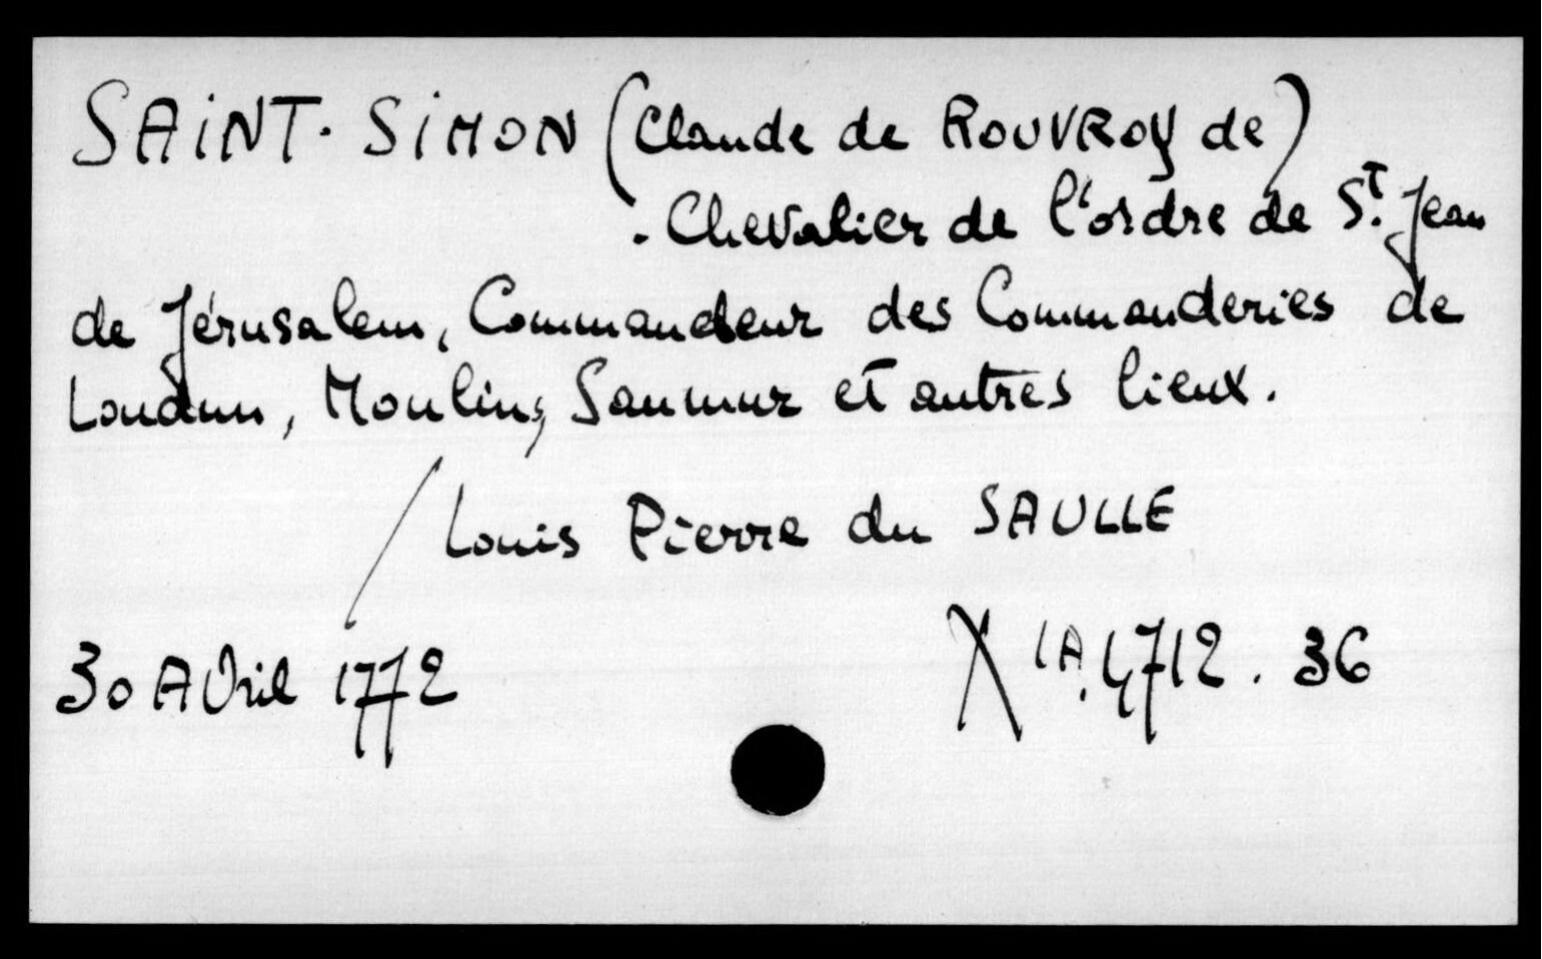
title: SAINT-SIMON (Claude de ROUVROY de), Chevalier de l'ordre de Saint-Jean de jérusalem, commandeur des commanderies de Loudun, Moulins, Saumur et autres lieux
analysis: Contre Louis Pierre du SAULLE
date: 30 avril 1772
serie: X1A
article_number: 4712
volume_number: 36
